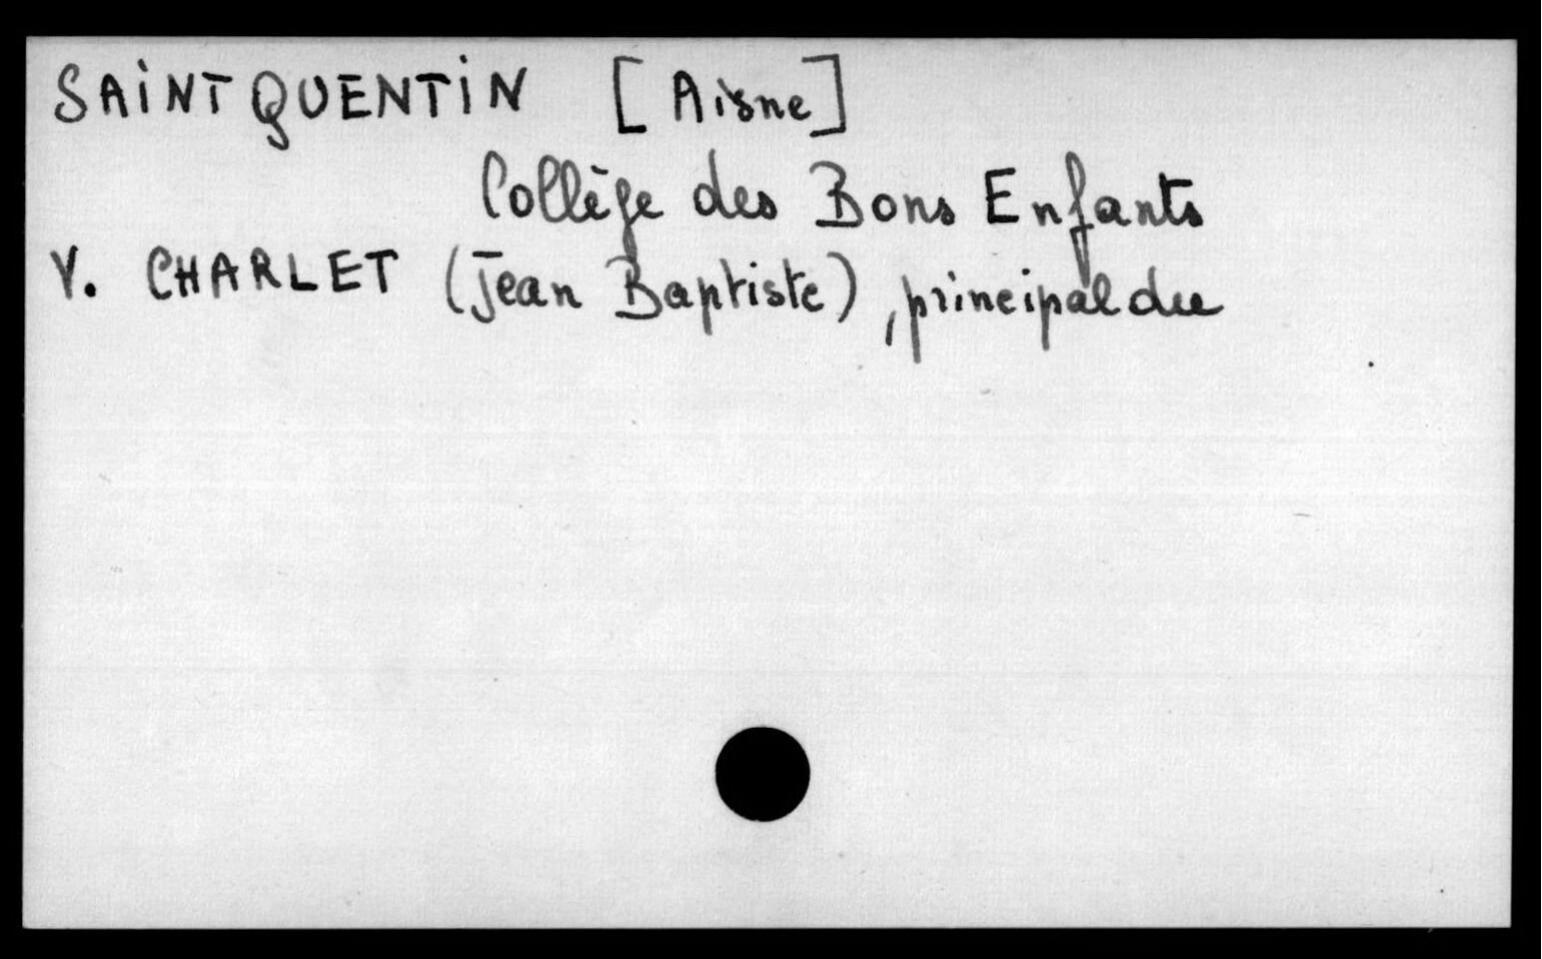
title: SAINT QUENTIN [Aisne] Collège des Bons Enfants
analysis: Voir : CHARLET (Jean Baptiste), principal du
